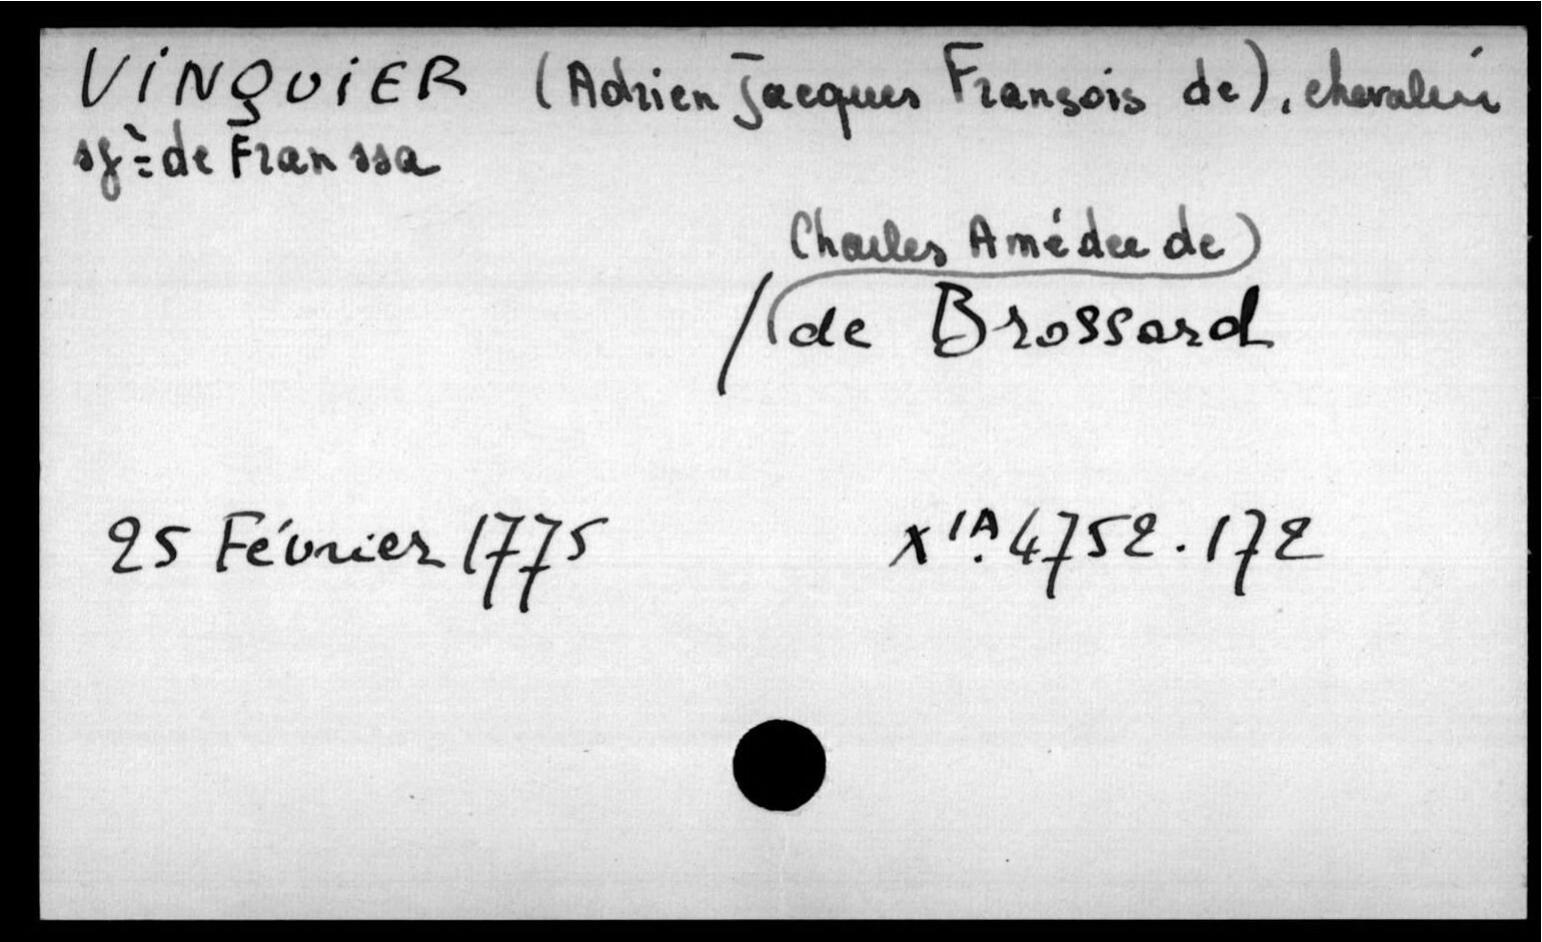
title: VINQUIER (Adrien Jacques François de), chevalier seigneur de Franssa
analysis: Contre Charles Amédee de, de Brossard
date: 25 février 1775
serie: X1A
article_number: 4752
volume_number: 172
